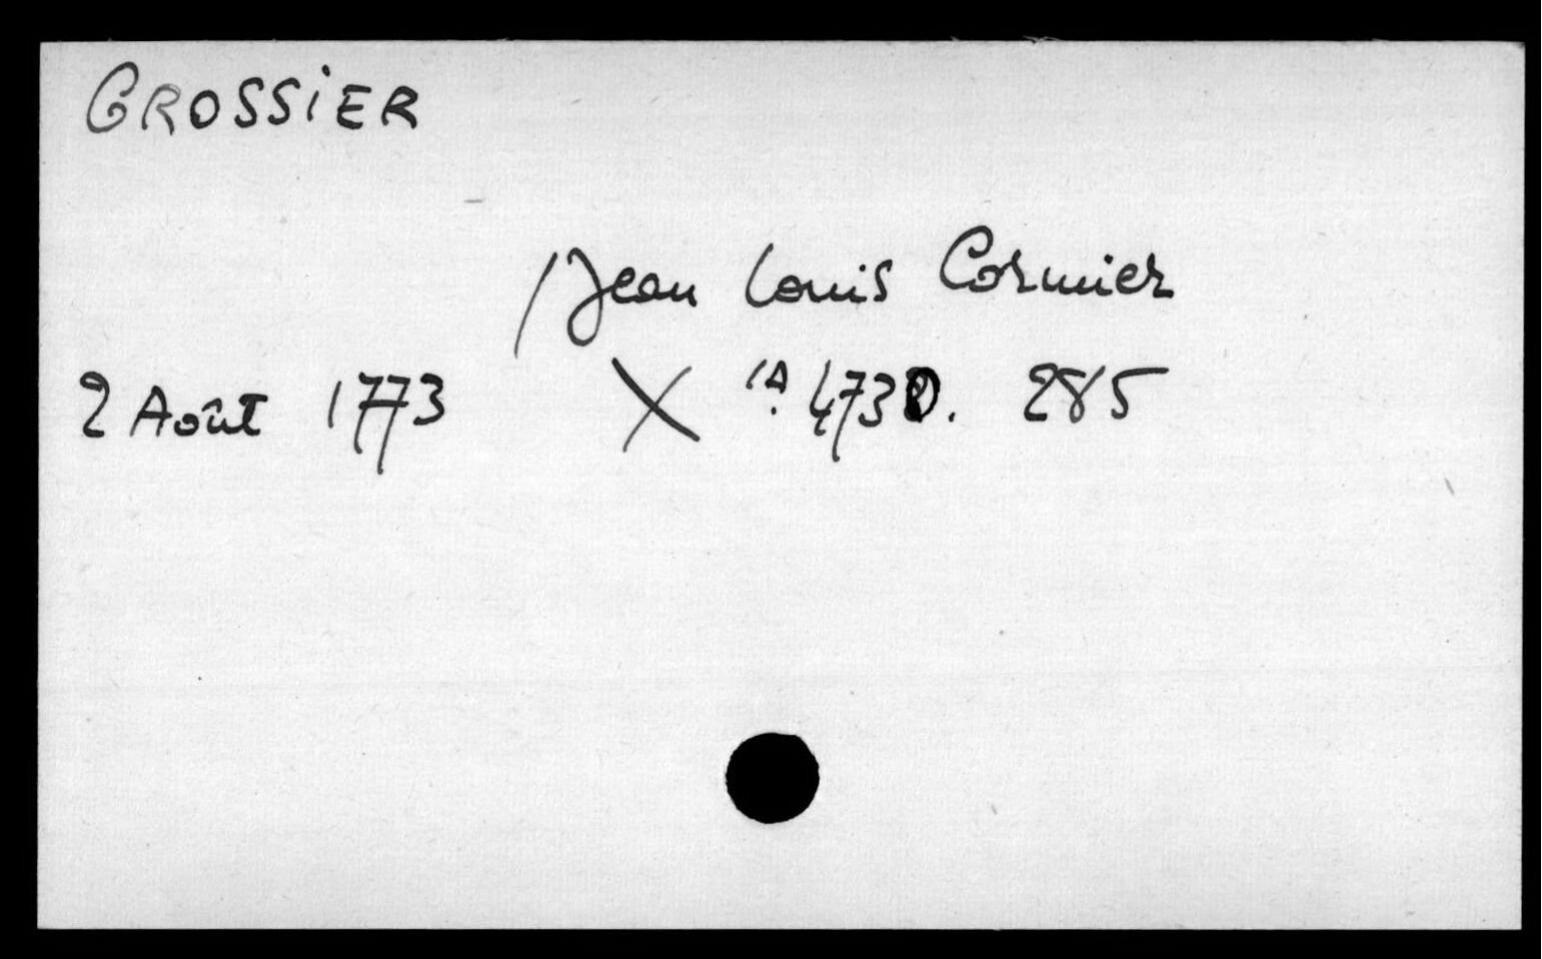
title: GROSSIER
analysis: Contre Jean Louis Cormier
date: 2 août 1773
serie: X1A
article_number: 4730
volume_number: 285
